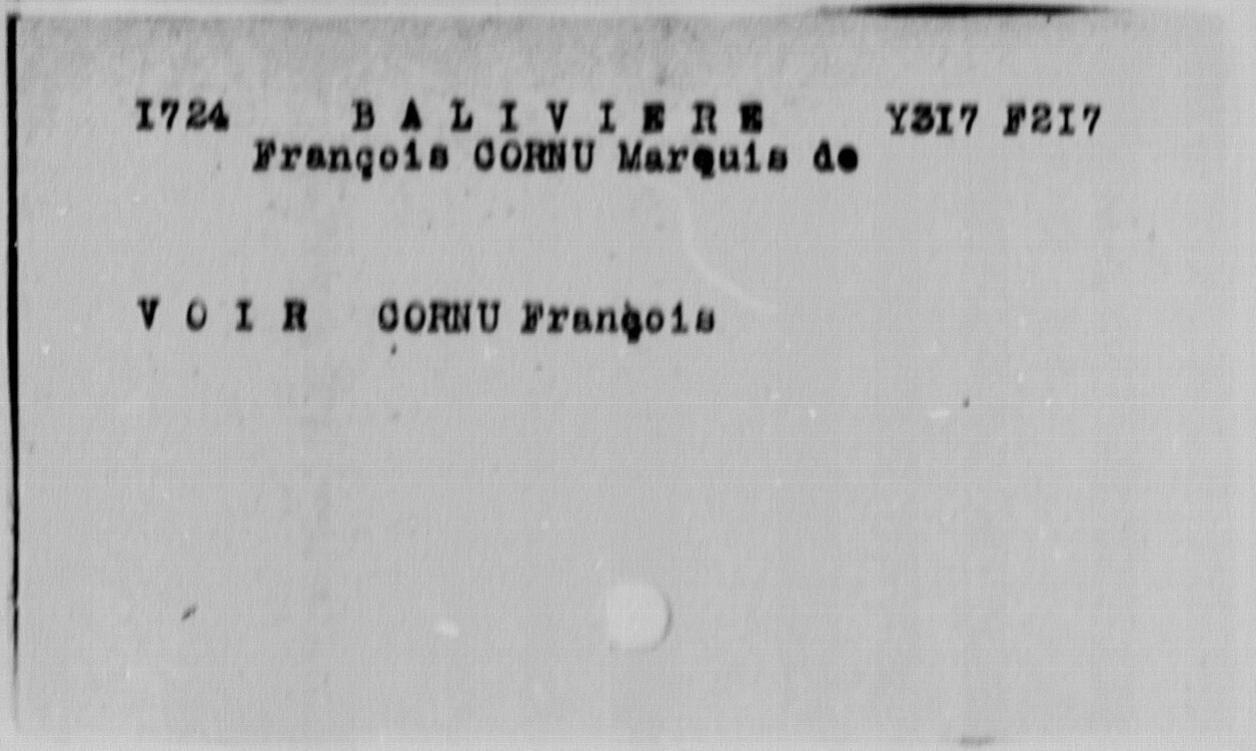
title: BALIVIERE (François CORNU, MMarquis de)
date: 1724
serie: Y
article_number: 317
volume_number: folio 217
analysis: Voir CORNU FRANçois
